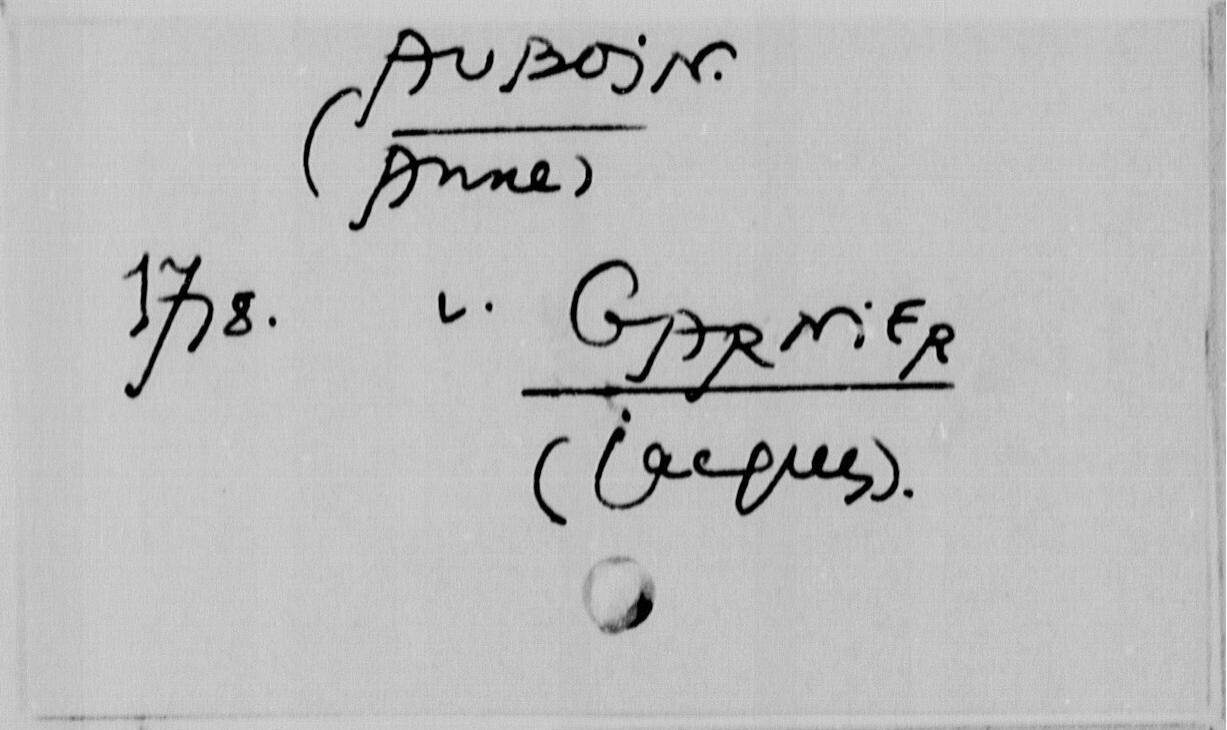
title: AUBOIN (Anne)
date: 1718
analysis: Voir GARNIER (Jacques)
